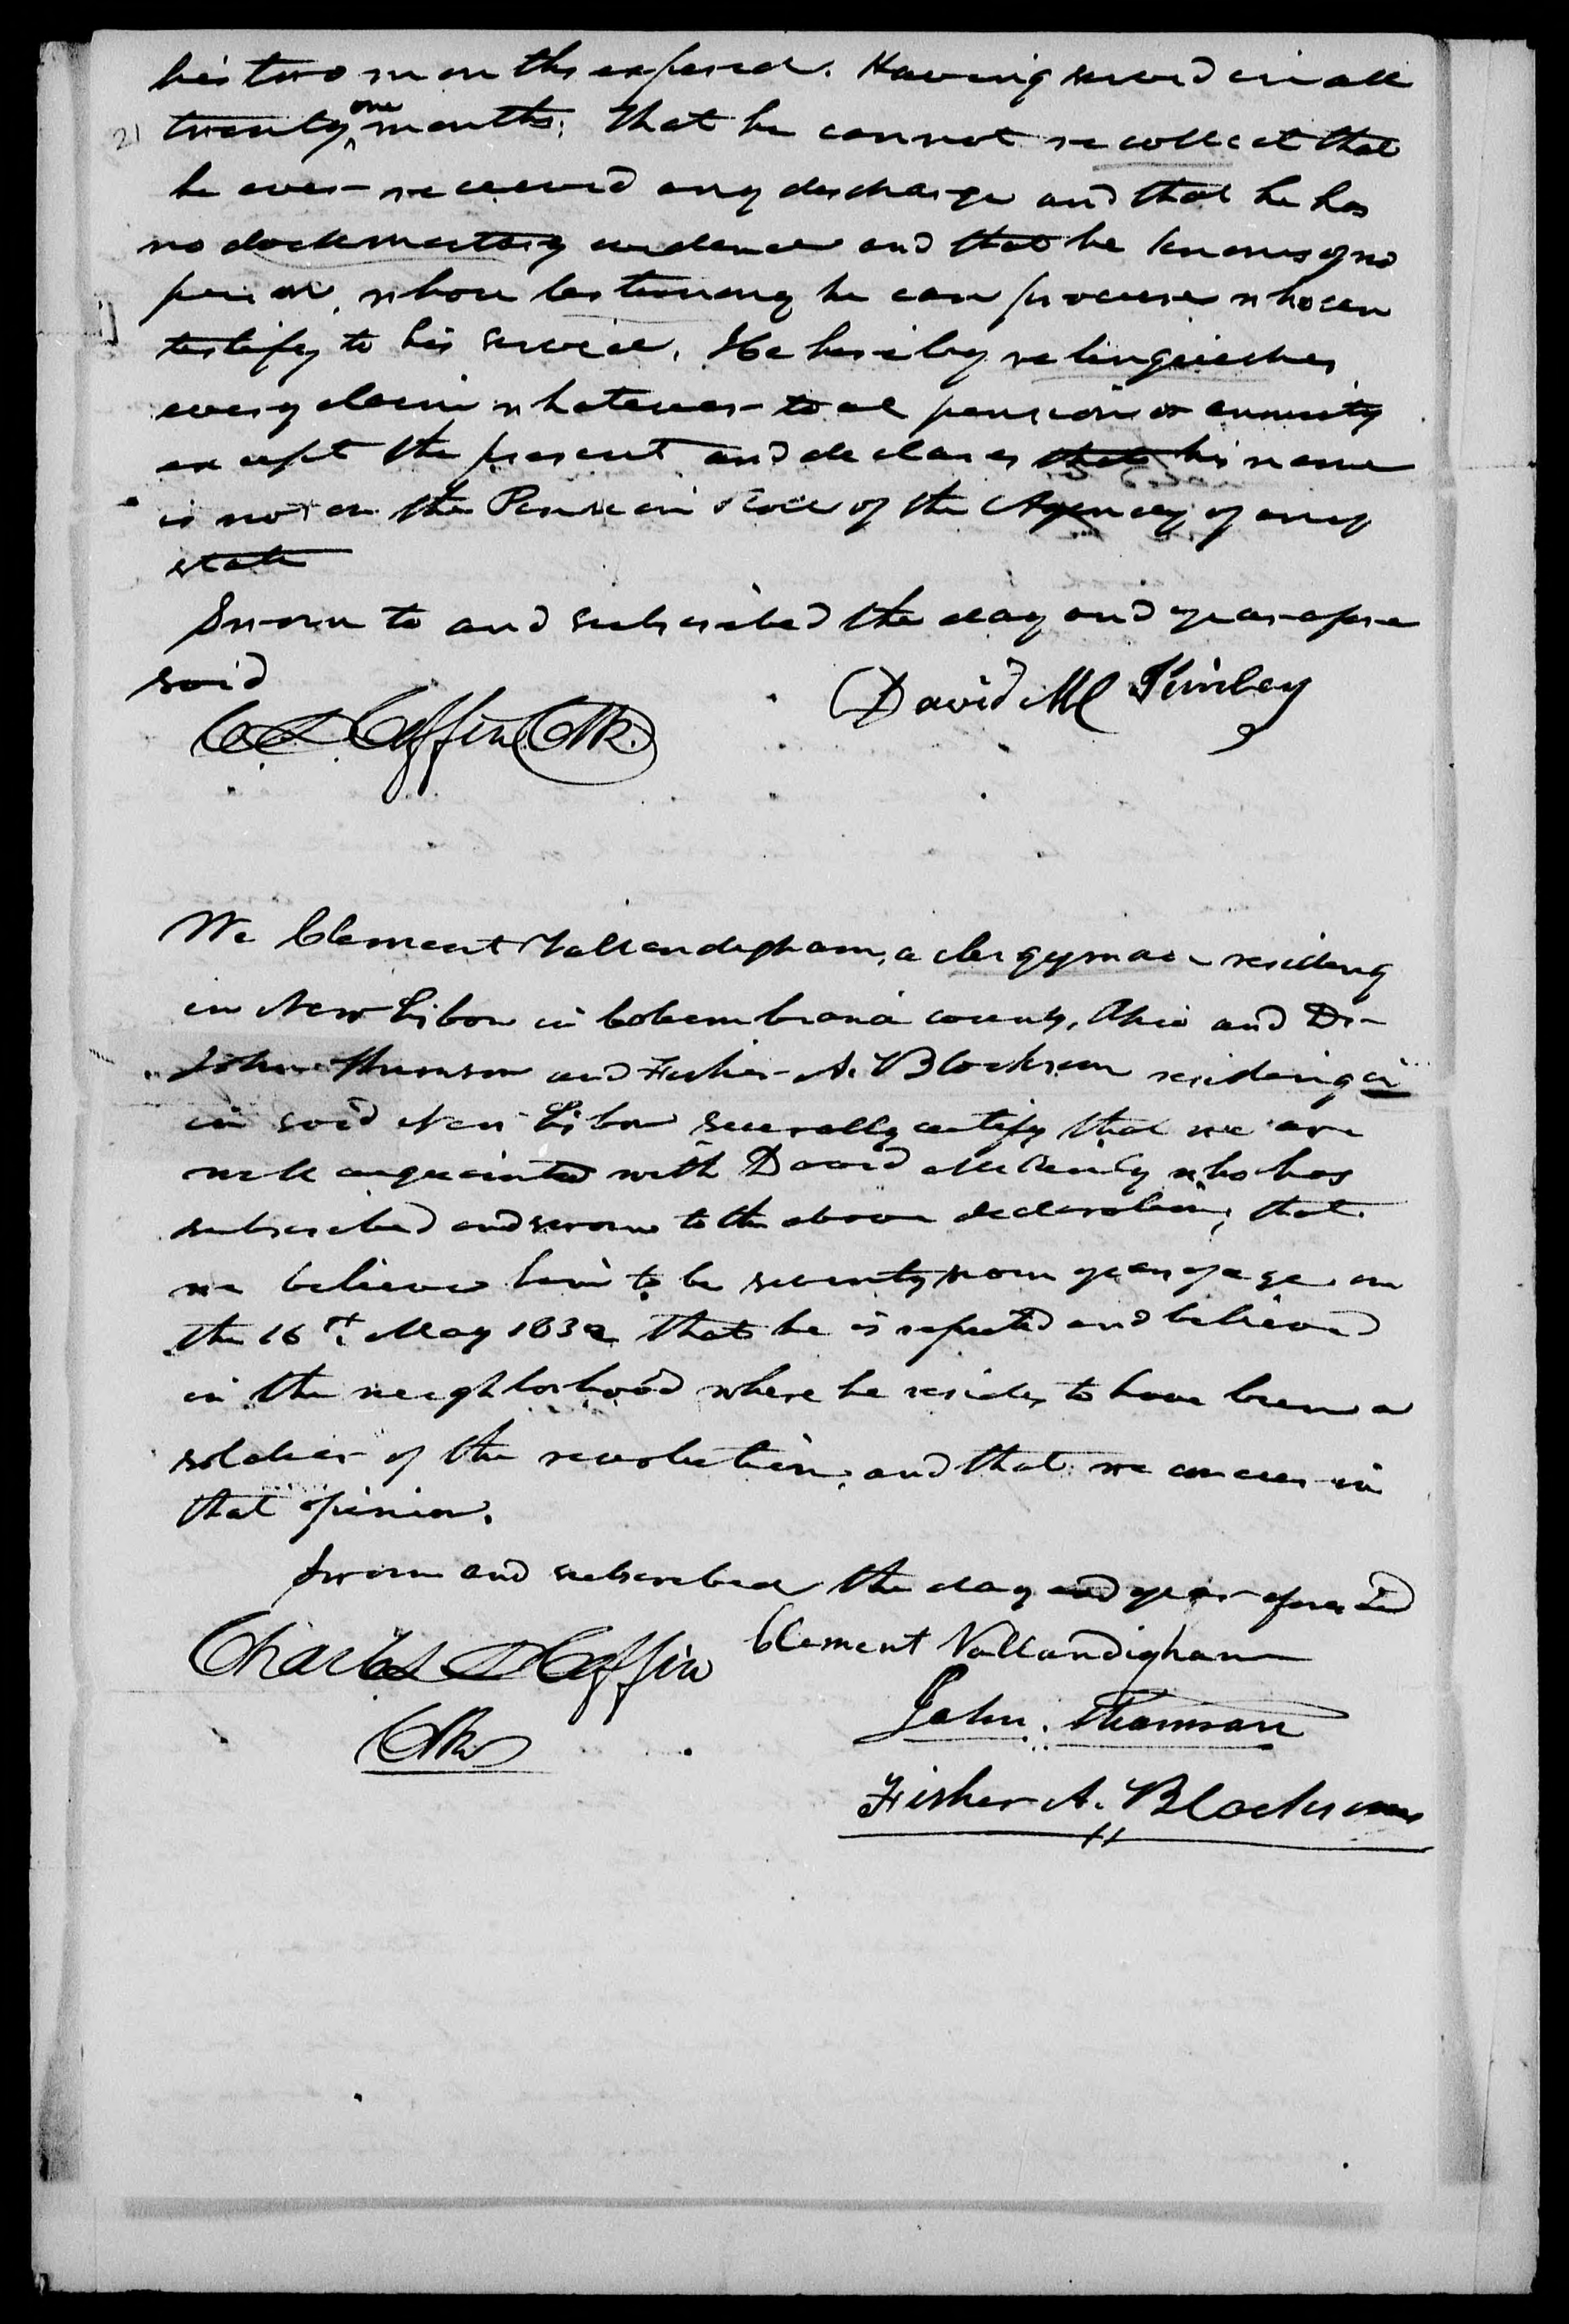His two months expired. Having served in all
twenty one months; that he cannot recollect that
he ever received any discharge and that he has
no documentary evidence and that he knows of
person whose testimony he can procure who can
testify to his service. He hereby relinquishes
every claim whatever to a pension or annuity
except the present and declares that his name
is not on the Pension Roll of the Agency of any
State.

Sworn to and subscribed the day and year aforesaid
C. D. Coffin Clk
David McKinley

Mr[?] Clement Vallandigham, a clergyman residing
New Lisbon in Columbiana County, Ohio, and Dr.
John Thomson and Fisher A. Blackson residing in
said New Lisbon severally certify that we are
well acquainted with David McKinley who has
subscribed and sworn to the above declaration, that
we believe him to be seventy four years of age on
the 16th May 1832, that he is reputed and believed
in the neighborhood where he resides to have been a
soldier of the revolution, and that we concur in
that opinion.

Sworn and subscribed the day and year aforesaid
Charles D  Coffin Clk
Clement Vallandigham
John Sherman
Fisher A. Blackson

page: 9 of 39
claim: survivor's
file: S. 2812, for David Mc Kinley, Pennsylvania